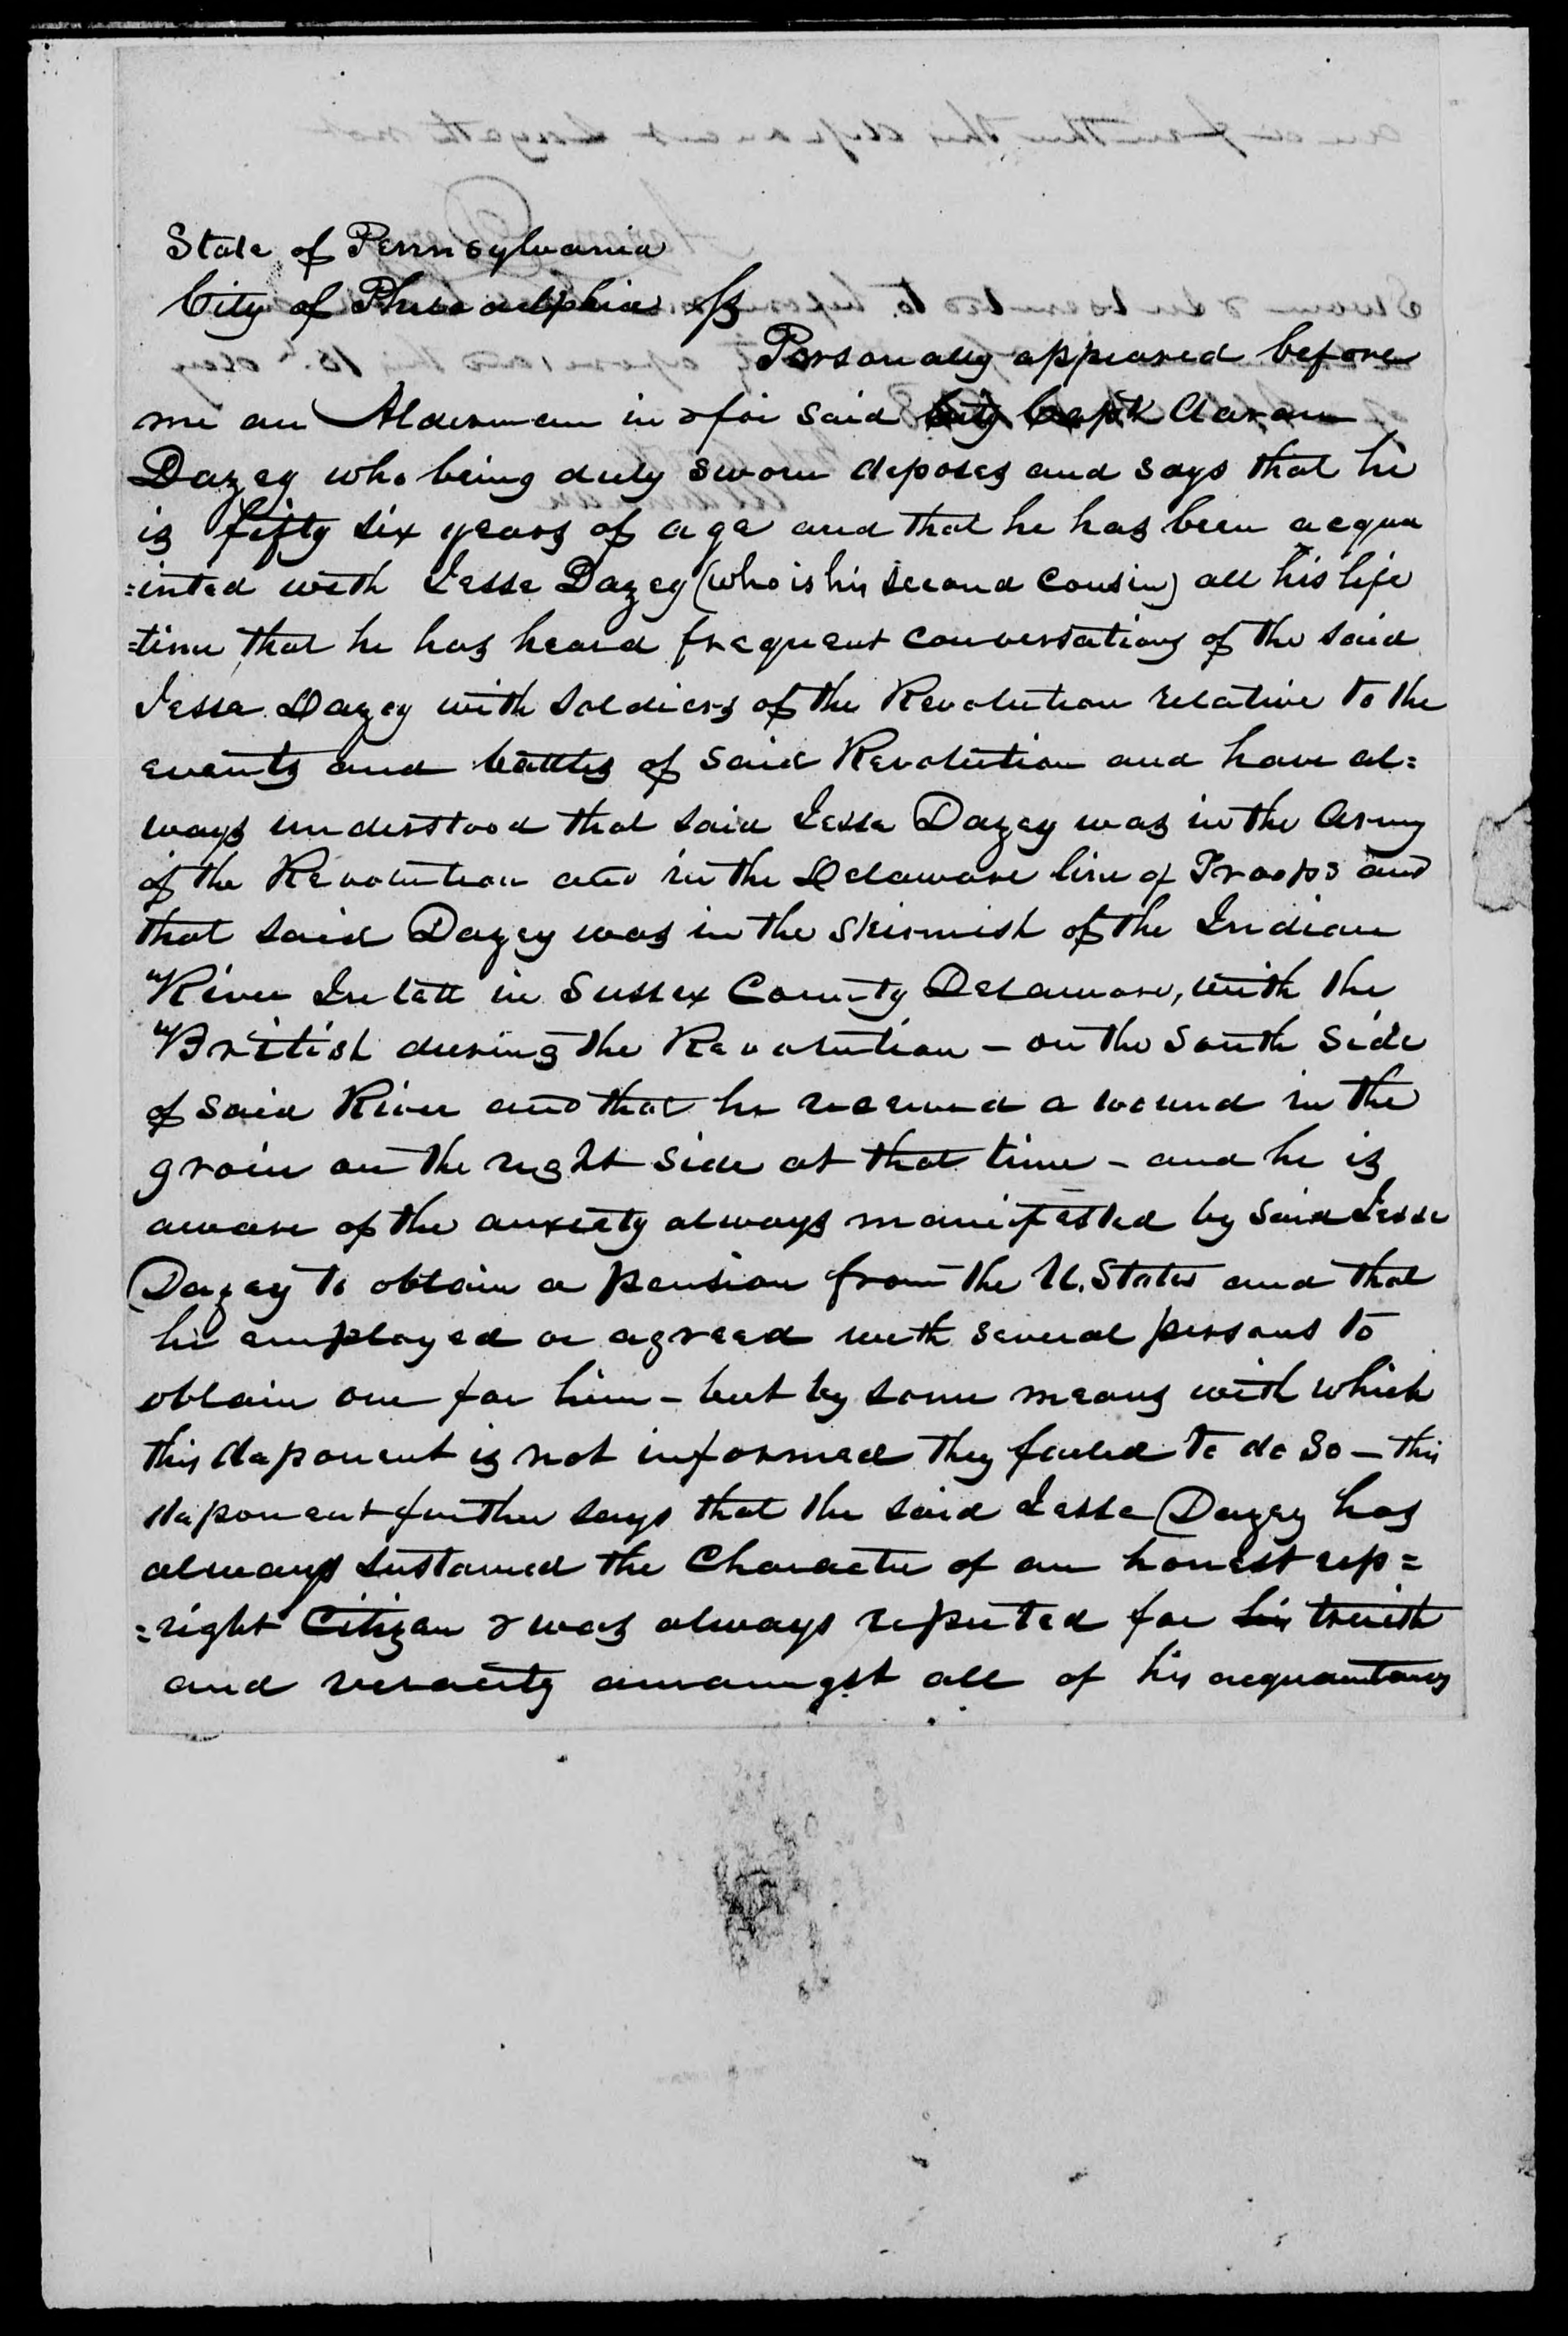State of Pennsylvania
City of Phildelphia [illegible]

Personally appeared before me an Alderman in [illegible] said City Capt Aaron Dazey who being duly sworn deposes and says that he is fifty six years of age and that he has been acquainted with Jesse Dazey (who is his second cousin) all his life time that he has heard frequent conversations of the said Jesse Dazey with Soldiers of the Revolution relative to the events and battles of said Revolution and have always understood that said Jesse Dazey was in the Army of the Revolution and in the Delaware line of Troops and that said Dazey was in the skirmish of the Indian River Inlett [Inlet] in Sussex County Delaware, with the British during the Revolution-- on the South side of said River and that he received a wound in the groin on the right side at that time, and he is aware of the anxiety always manifested by said Jesse Dazey to obtain a pension from the U. States and that he employed as agreed with several persons to obtain one for him-- but by some means with which this deponent is not informed they failed to do so-- this deponent further says that the said Jesse Dazey has always sustained the character of an honest upright Citizen & was always reputed for his truth and veracity amongst all of his acquaintancy [acquantance]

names: Jesse Dazey, Jesse Dazey, Aaron Dazey, Jesse Dazey, Jesse Dazey, Jesse Dazey, Dazey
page: 3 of 32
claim: rejected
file: R. 2795, Jesse Dazey, Del.